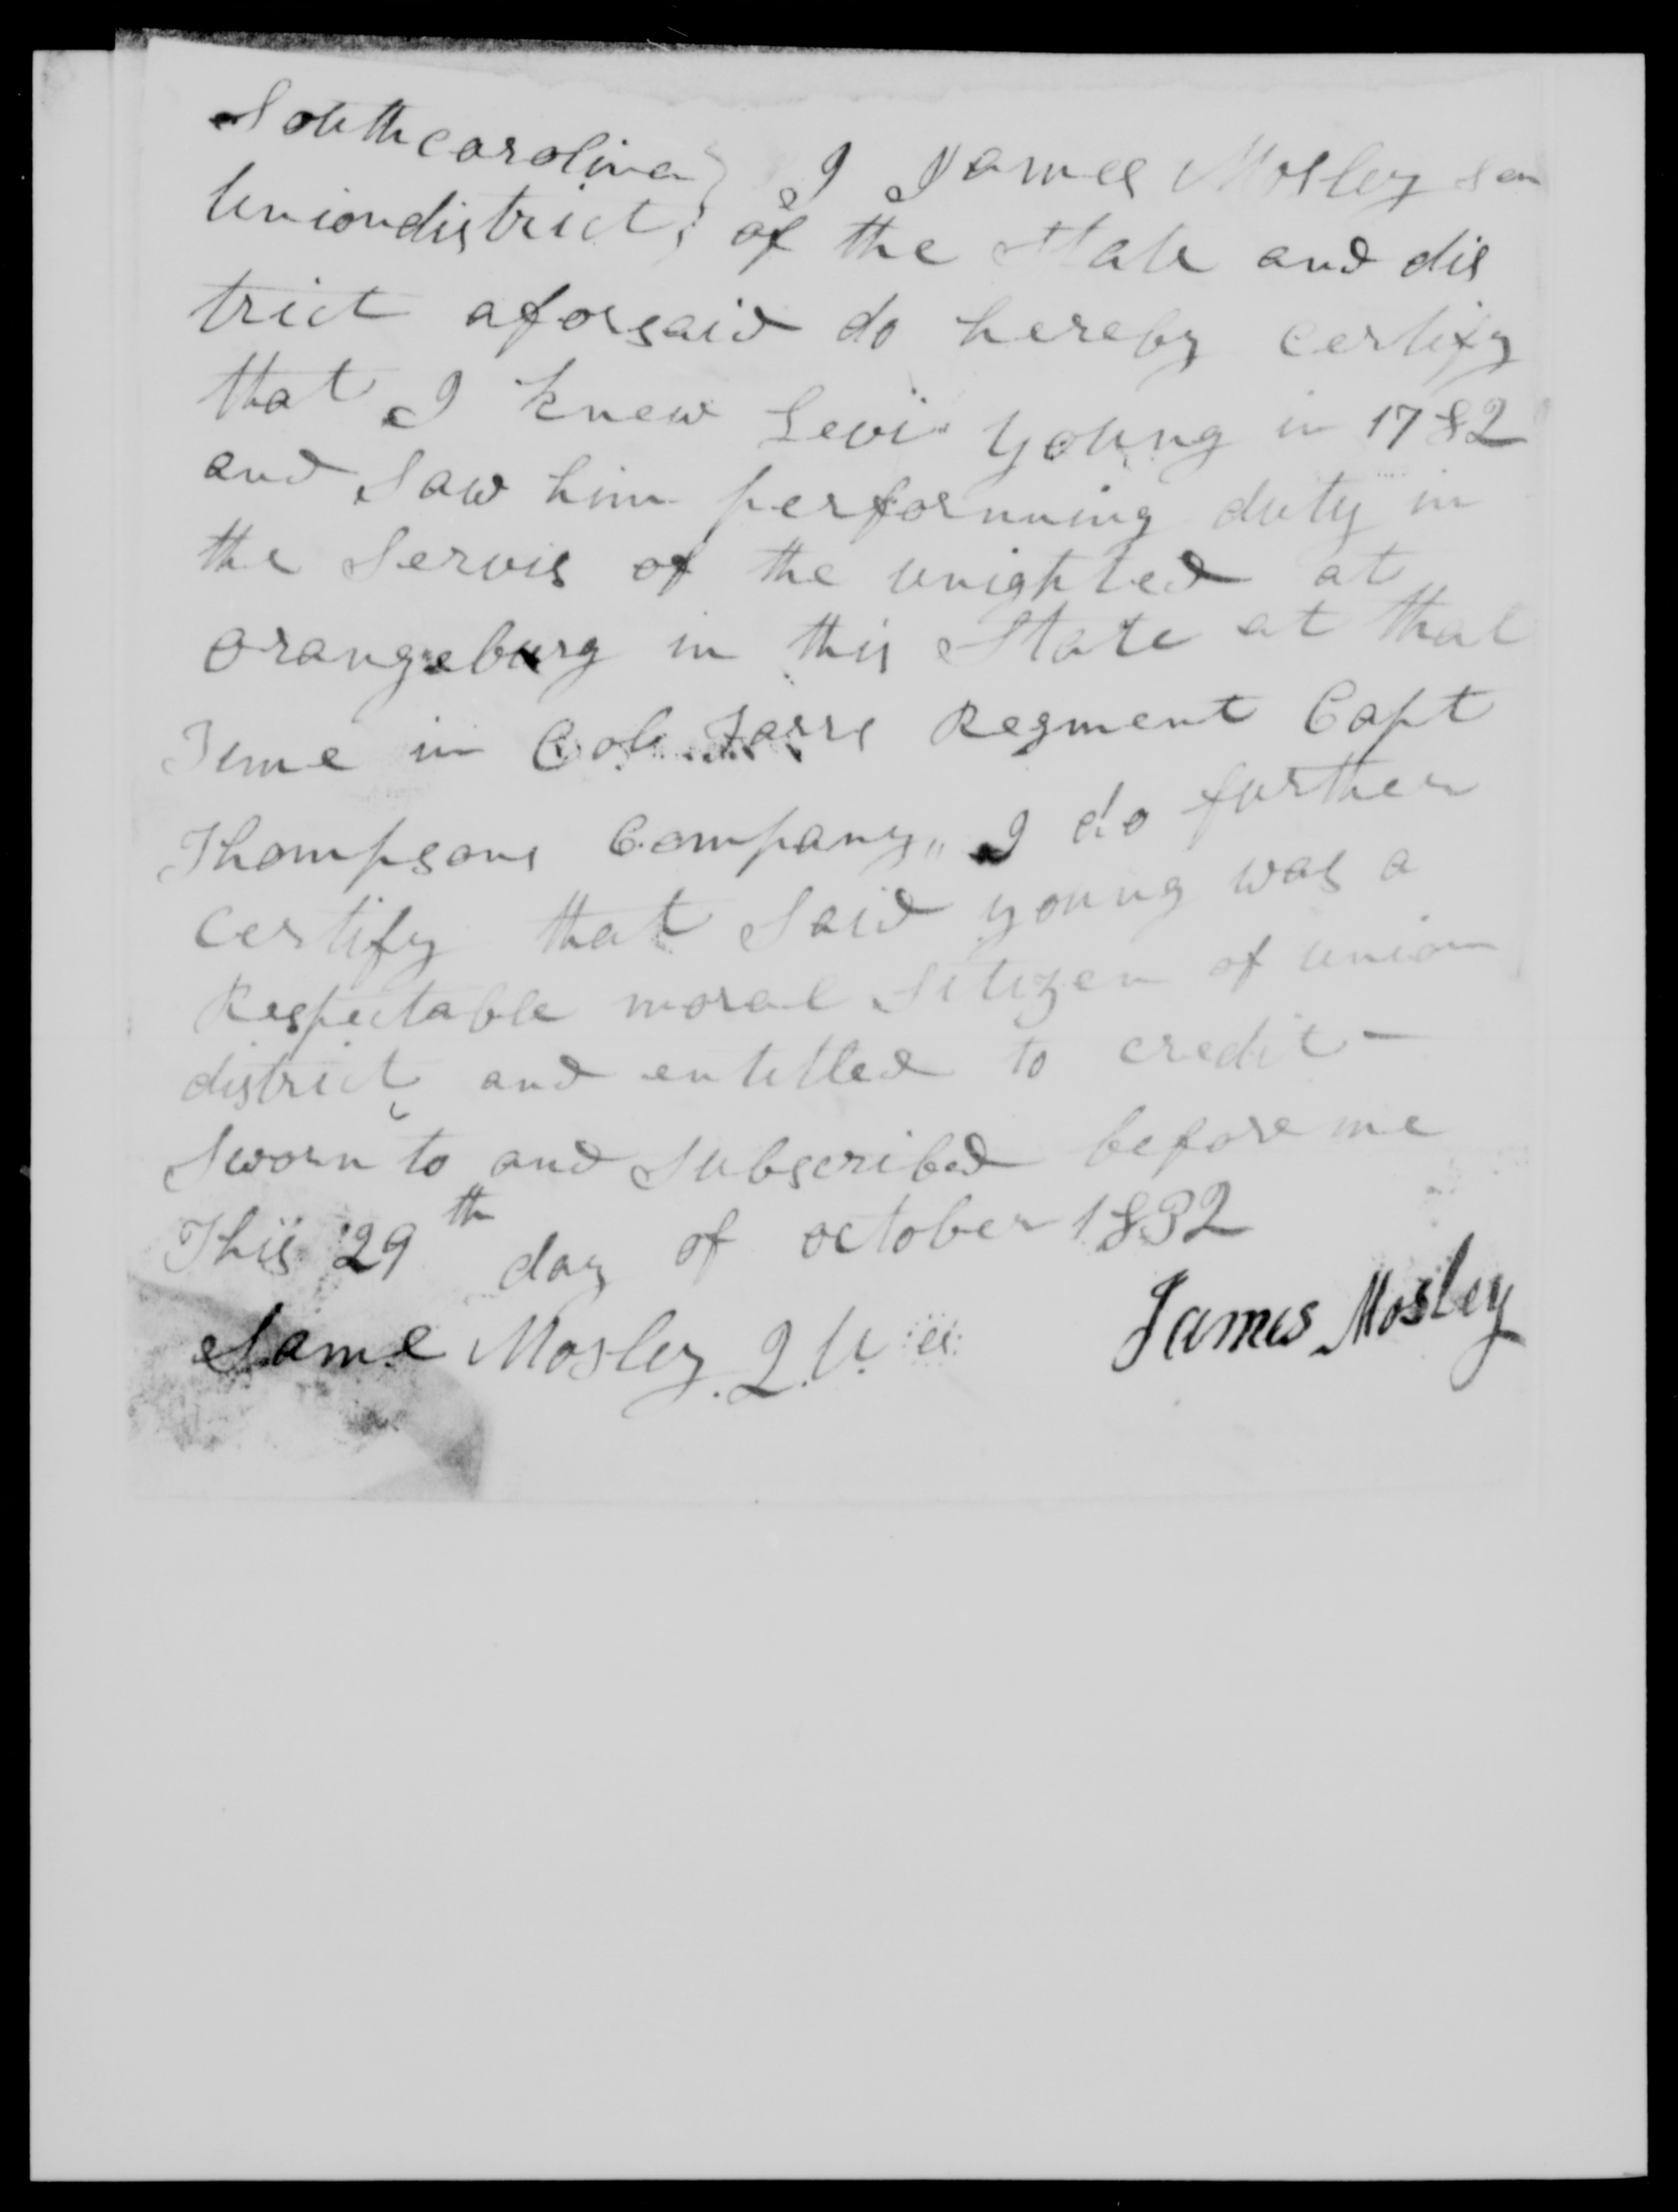South Carolina {  I James Mosley (?)
Union District {  of the State and dis
trict aforesaid do hereby certify
that I knew Levi Young in 1872
and saw him performing duty in
the Service of the unighted (sic united) [states] at
Orangeburg in this State at that
Time in Col Farrs Regment (sic Regiment) Capt
Thompsons company.  I do further
certify that said Young was a
Respectable moral sitizen (sic citizen) of union
district and entitled to credit.
Sworn to and subscribed before me
This 29th day of October 1832
Saml [Samuel] Mosley Q.U.  [Justice of the Quorum Union District] 
James Mosley (his signature)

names: James Mosley, Levi Young, Saml Mosley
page: 26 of 56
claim: widow's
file: W. 9040, Levi Young, Ga. New Jersey S.C.